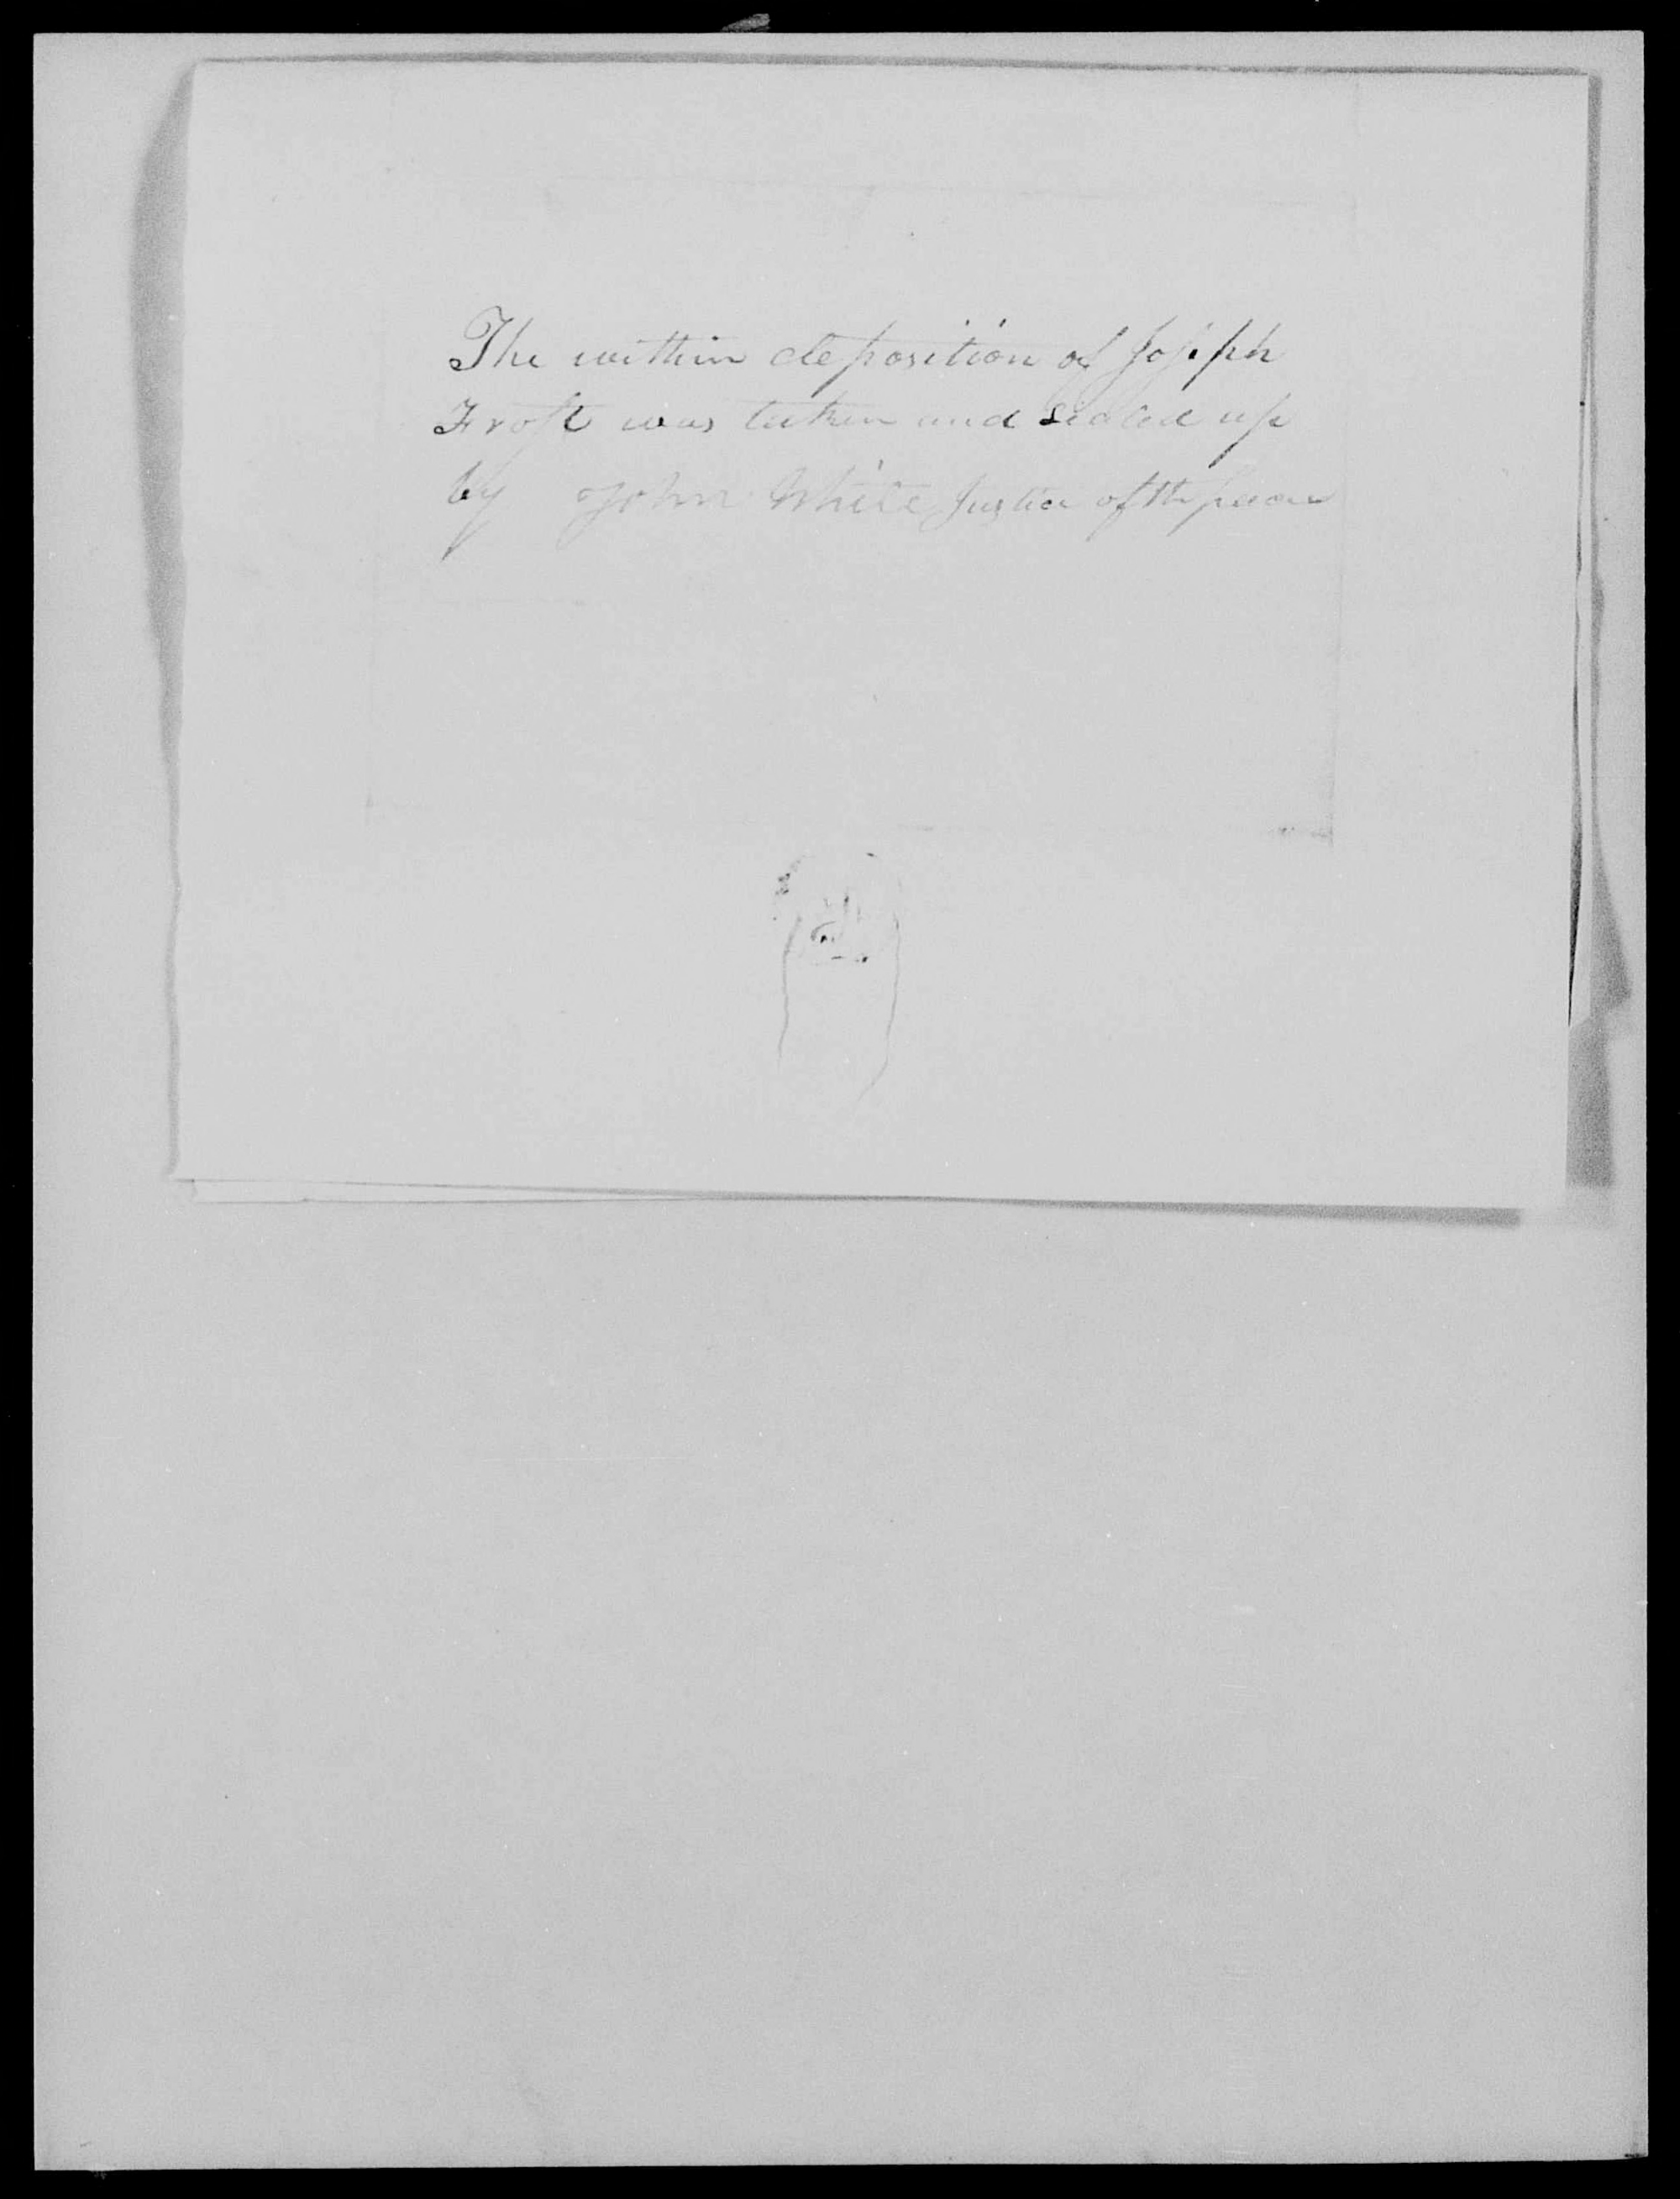The within deposition of Joseph
Frost was taken and sealed up
by John White Justice of the peace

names: Joseph Frost; John White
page: 11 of 20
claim: survivor's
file: S. 41,090, for Joshua Randall, Massachusetts